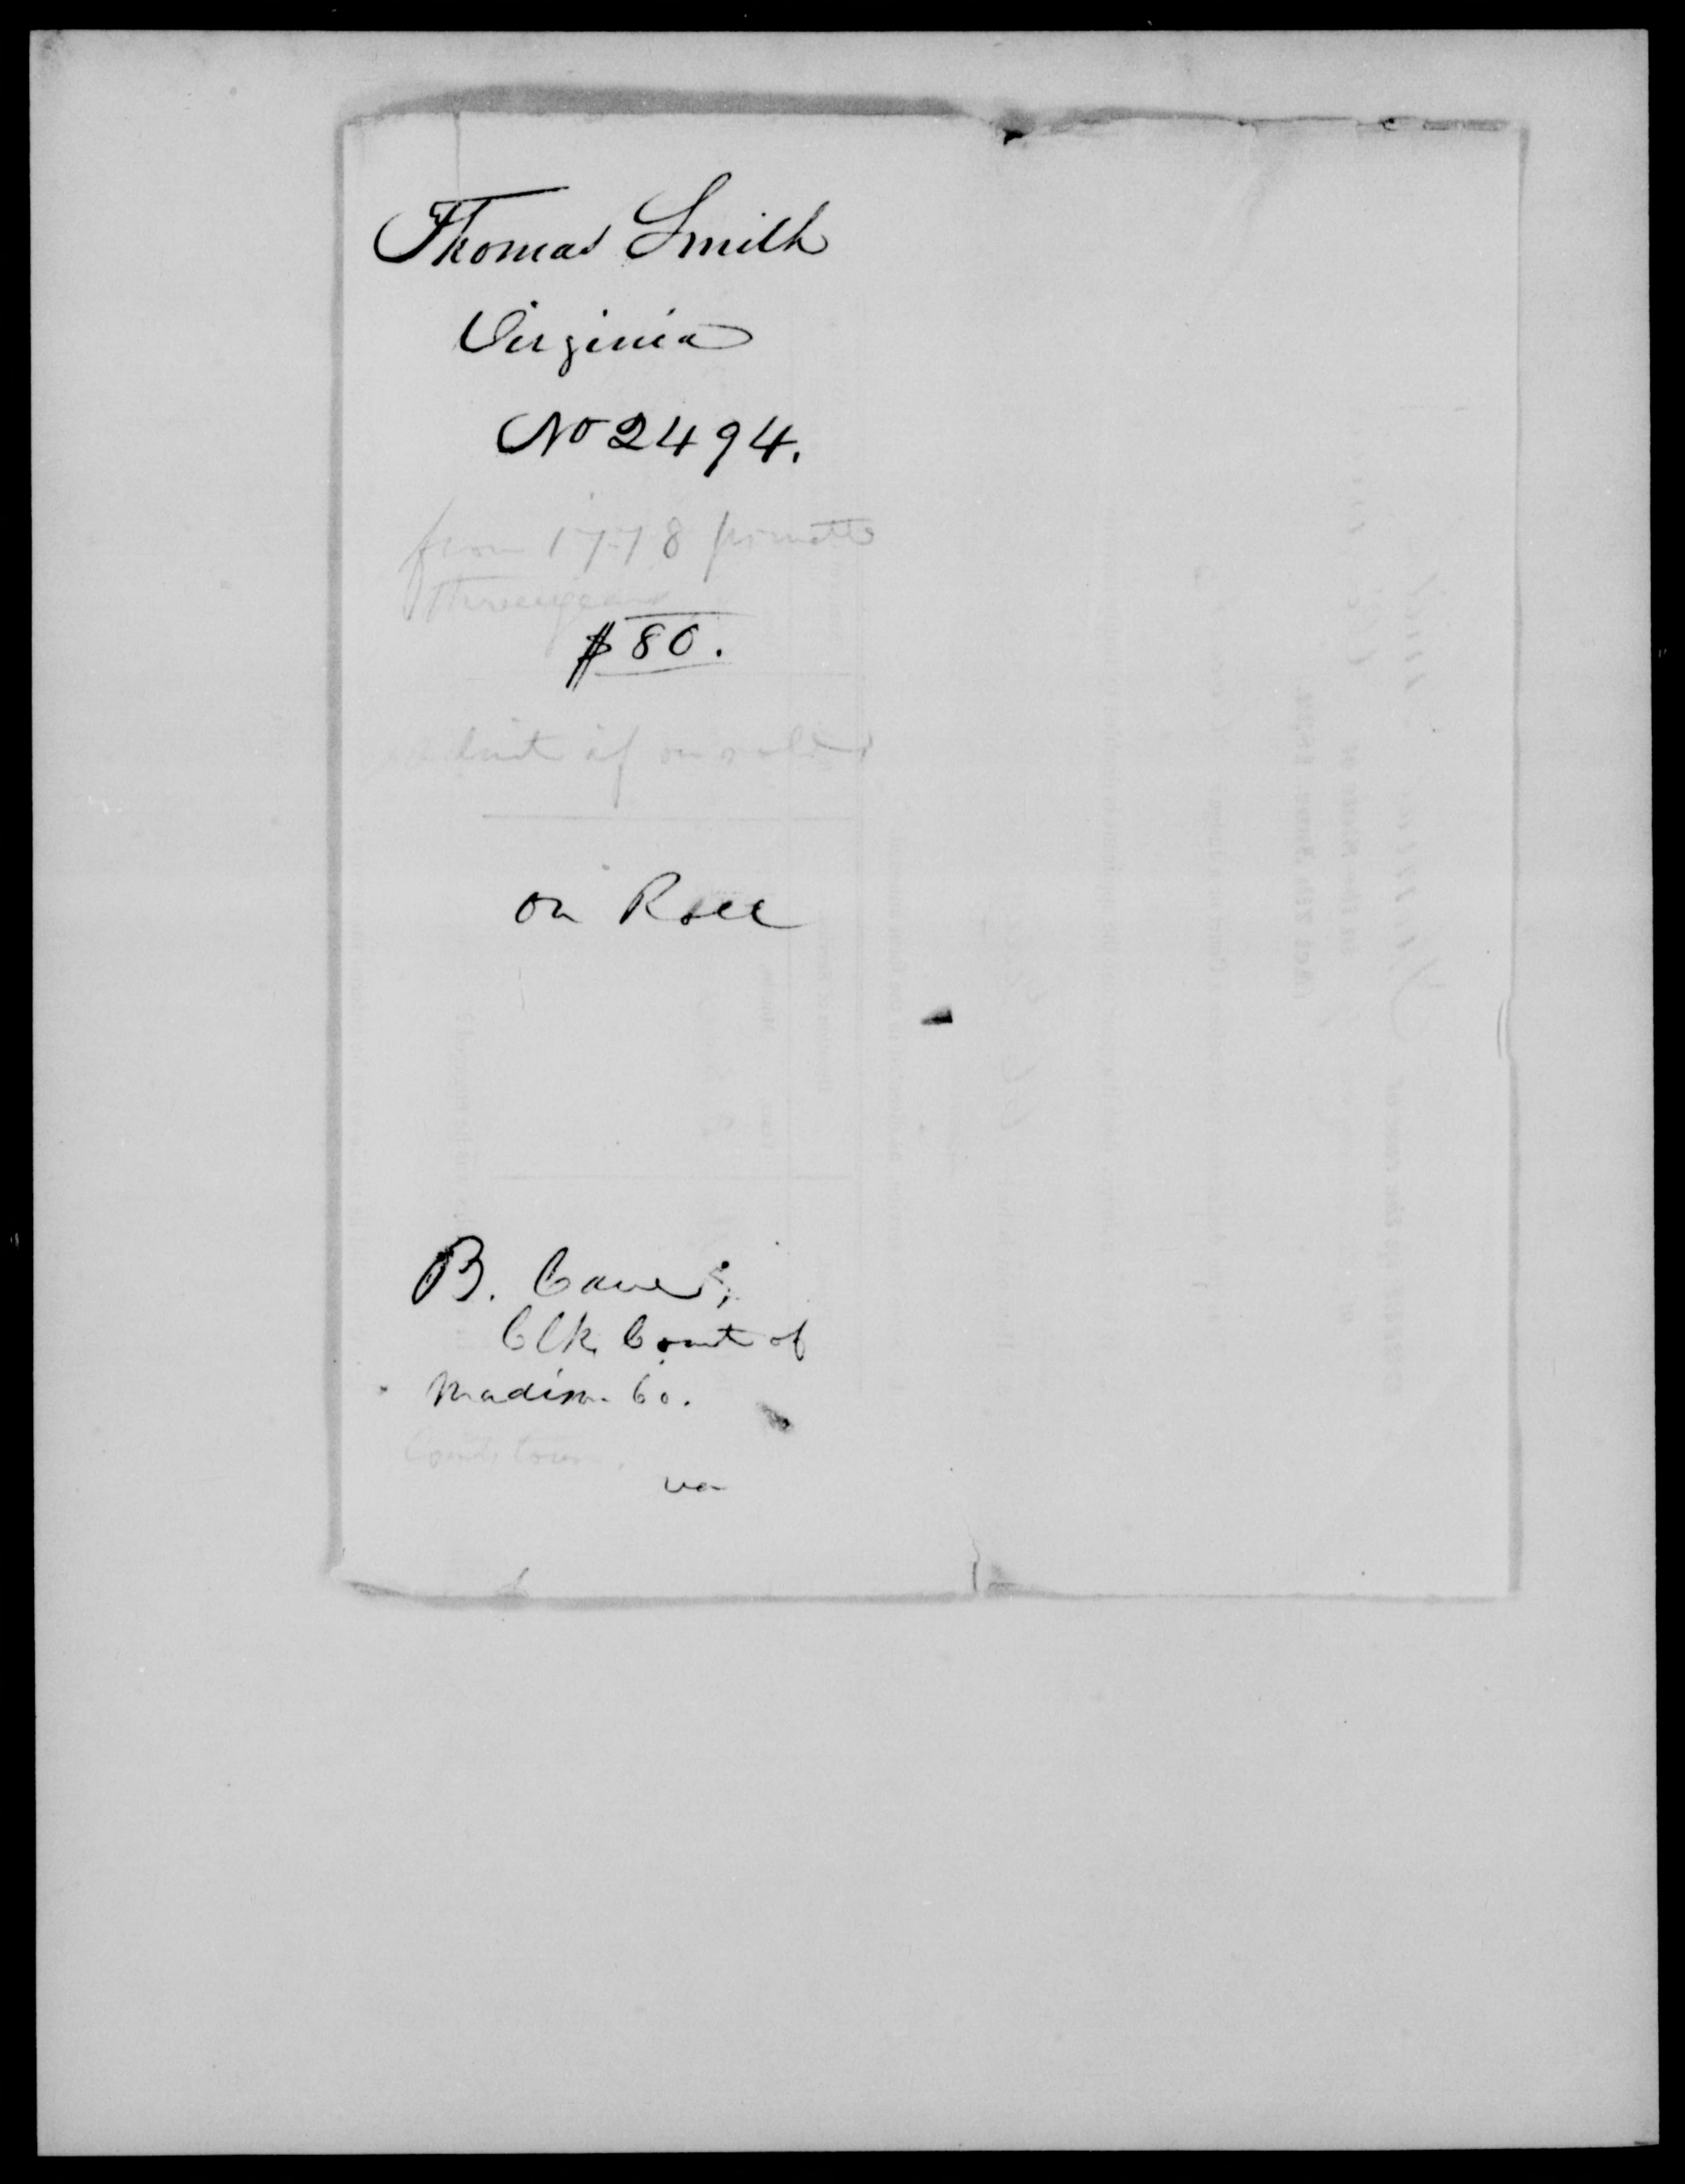Thomas Smith Virginia No 2494 from 1778 private three years $80 (illegible) on Roll B. Cave Clk Court of Madison Co. 
(illegible)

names: B Cave; Thomas Smith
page: 6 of 23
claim: survivor's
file: S. 6,125, for Thomas Smith, Virginia